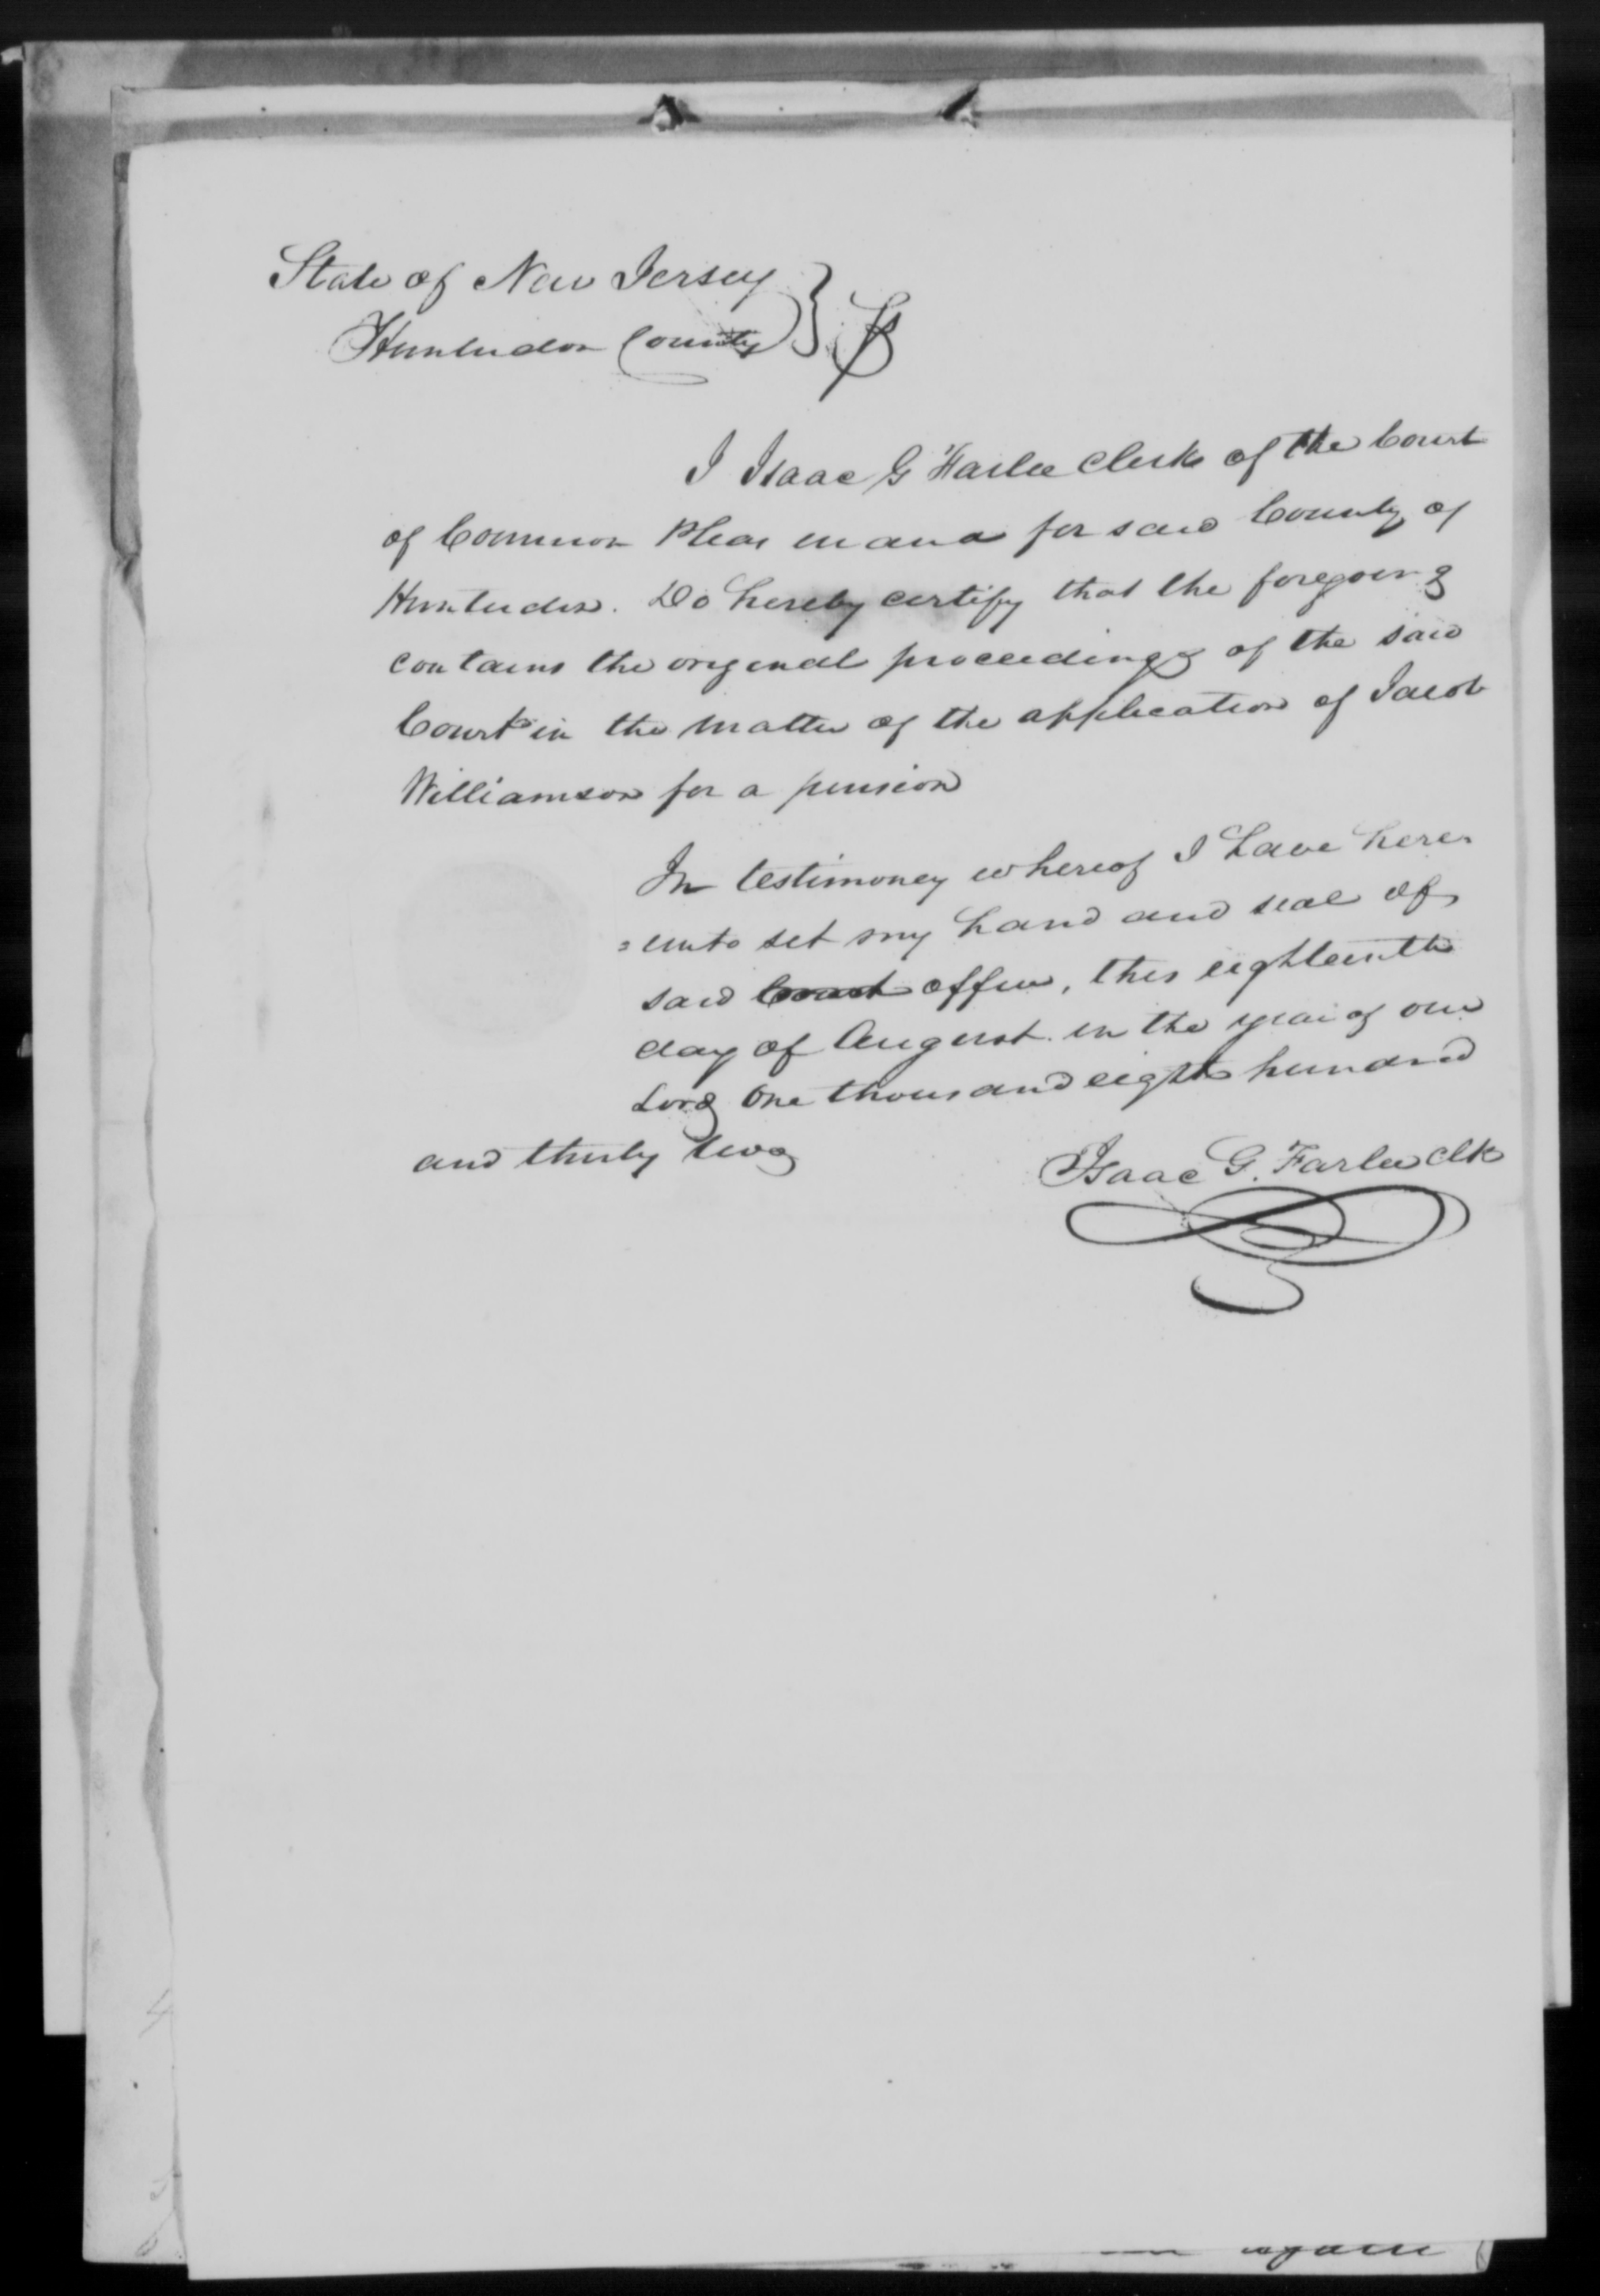State of New Jersey
Hunterdon County//

I, Isaac G. Farlee, Clerk of the Court of Common Pleas and for said County of Hunterdon, do hereby certify that the foregoing contains the original proceedings of the said Court in the matter of the application of Jacob Williamson for a pension.

In testimony whereof I have hereunto set my Hand and Seal of said [crossed out: Court] Office this Eighteenth day of August in the year of our Lord One Thousand Eight Hundred and Thirty two.
s/ Isaac G. Farlee, Clk.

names: Isaac G Farlee, Jacob Williamson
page: 17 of 67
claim: widow's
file: W. 2393, Jacob Williamson, New Jersey